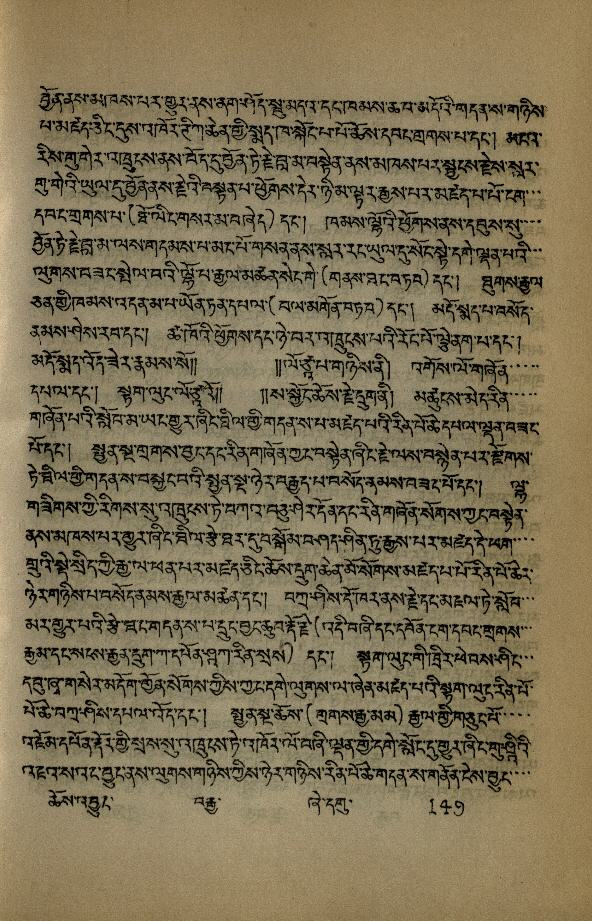བྱོན་ནས་མཁས་པར་གྱུར་ནས་ནག་ཤོད་སྦུ་མདའ་དང་ཁམས་ཆབ་མདོའི་གདན་ས་གཉིས་
པ་མཛད་ཅིང་དུས་འཁོར་ཊིཀ་ཆེན་གྱི་སྨད་ཁ་སྐོང་པ་པོ་ཆོས་དབང་གྲགས་པ་དང་། མངའ་
རིས་གུ་གེར་འཁྲུངས་ནས་བོད་དུ་བྱོན་ཏེ་རྗེ་བླ་མ་བསྟེན་ནས་མཁས་པར་སྦྱངས་རྗེས་སླར་
གུ་གེའི་ཡུལ་དུ་བྱོན་ནས་རྗེའི་བསྟན་པ་ཕྱོགས་དེར་ཉི་མ་ལྟར་རྒྱས་པར་མཛད་པ་པོ་ངག་
དབང་གྲགས་པ་ཐོ་ལིང་གསར་མ་བཞེད་དང་། ཁམས་ལྷོའི་ཕྱོགས་ནས་དབུས་སུ་
བྱོན་ཏེ་རྗེ་བླ་མ་ལས་གདམས་པ་མང་པོ་གསན་ནས་སླར་རང་ཡུལ་དུ་སོང་སྟེ་དགེ་ལྡན་པའི་
ལུགས་བཟང་སྤེལ་བའི་ལྷོ་པ་རྒྱལ་མཚན་སེང་གེ་གནས་ཐང་བཏབ་དང་། ཐུགས་རྒྱལ་
ཅན་གྱི་ཁམས་འདན་མ་པ་ཡོན་ཏན་དཔལ་བལ་མགོན་བཏབ་དང་། མདོ་སྨད་པ་བསོད་
ནམས་ཤེས་རབ་དང་། ཚ་ཁོའི་ཕྱོགས་དང་ཉེ་བར་འཁྲུངས་པའི་རོང་པོ་ལྕེ་ནག་པ་དང་།
མདོ་སྨད་འོད་ཟེར་རྣམས་སོ།། །།ལོ་ཙཱ་པ་གཉིས་ནི། འགོས་ལོ་གཞོན་
དཔལ་དང་། སྟག་ལུང་ལོ་ཙཱའོ།། །།ས་སྐྱོང་ཆོས་རྗེ་དྲུག་ནི། མཚུངས་མེད་རིན་
གཞོན་པའི་སློབ་མ་ཡང་གྱུར་ཞིང་ཐིལ་གྱི་གདན་ས་པ་མཛད་པའི་རིན་པོ་ཆེ་དཔལ་ལྡན་བཟང་
པོ་དང་། སྤྱན་སྔ་གྲགས་བྱང་དང་རིན་གཞོན་ཀྱང་བསྟེན་ཞིང་རྗེ་ལས་བསྙེན་པར་རྫོགས་
ཏེ་ཐིལ་གྱི་གདན་ས་བསྐྱང་བའི་སྤྱན་སྔ་ཉེར་བརྒྱད་པ་བསོད་ནམས་བཟང་པོ་དང་། ལྷ་
གཟིགས་ཀྱི་རིགས་སུ་འཁྲུངས་ཏེ་བཀའ་བཅུ་ཤེར་དོན་དང་རིན་གཞོན་སོགས་ཀྱང་བསྟེན་
ནས་མཁས་པར་གྱུར་ཞིང་ཐིལ་རྩེ་ཐར་དུ་བསྒོམ་བཤད་ཤིན་ཏུ་རྒྱས་པར་མཛད་དེ་ཕག་
གྲུའི་སྡེ་སྲིད་ཀྱི་རྒྱ་ལ་ཕན་པར་མཛད་ཅིང་ཆོས་དྲུག་ཆེན་མོ་སོགས་མཛད་པ་པོ་རིན་པོ་ཆེར་
ཉེར་གཉིས་པ་བསོད་ནམས་རྒྱལ་མཚན་དང་། བཀྲ་ཤིས་དོ་ཁར་ནས་རྗེ་དང་མཇལ་ཏེ་སློབ་
མར་གྱུར་པའི་རྩེ་ཐང་གདན་ས་པ་དྲུང་བྱང་ཆུབ་རྡོ་རྗེ་འདི་བཞི་དང་དབོན་ངག་དབང་གྲགས་
རྒྱམ་དང་སངས་རྒྱན་དྲུག་ཀ་དཔོན་ཤཱཀ་རིན་སྲས་དང་། སྟག་ལུང་གི་ཁྲིར་ཕེབས་ཤིང་
དབུ་ཞྭ་གསེར་མདོག་གྱོན་སོགས་ཀྱིས་ཀྱང་དགེ་ལུགས་ལ་ཞེན་མཛད་པའི་སྟག་ལུང་རིན་པོ་
པོ་ཆེ་བཀྲ་ཤིས་དཔལ་འོད་དང་། སྤྱན་སྔ་ཆོས་གྲགས་རྒྱ་མམ་རྒྱལ་གྱི་གཅུང་པོ་
འཇོམ་དཔོན་རྡོར་གྱི་སྲས་སུ་འཁྲུངས་ཏེ་འཁོར་ལོ་བཞི་ལྡན་གྱི་དགེ་སློང་དུ་གྱུར་ཞིང་གུ་ཤྲཱིའི་
འཇའ་སའང་བྱུང་ནས་ལུགས་གཉིས་ཀྱིས་ཉེར་གཉིས་རིན་པོ་ཆེ་གདན་ས་གནོན་ངེས་བྱུང་